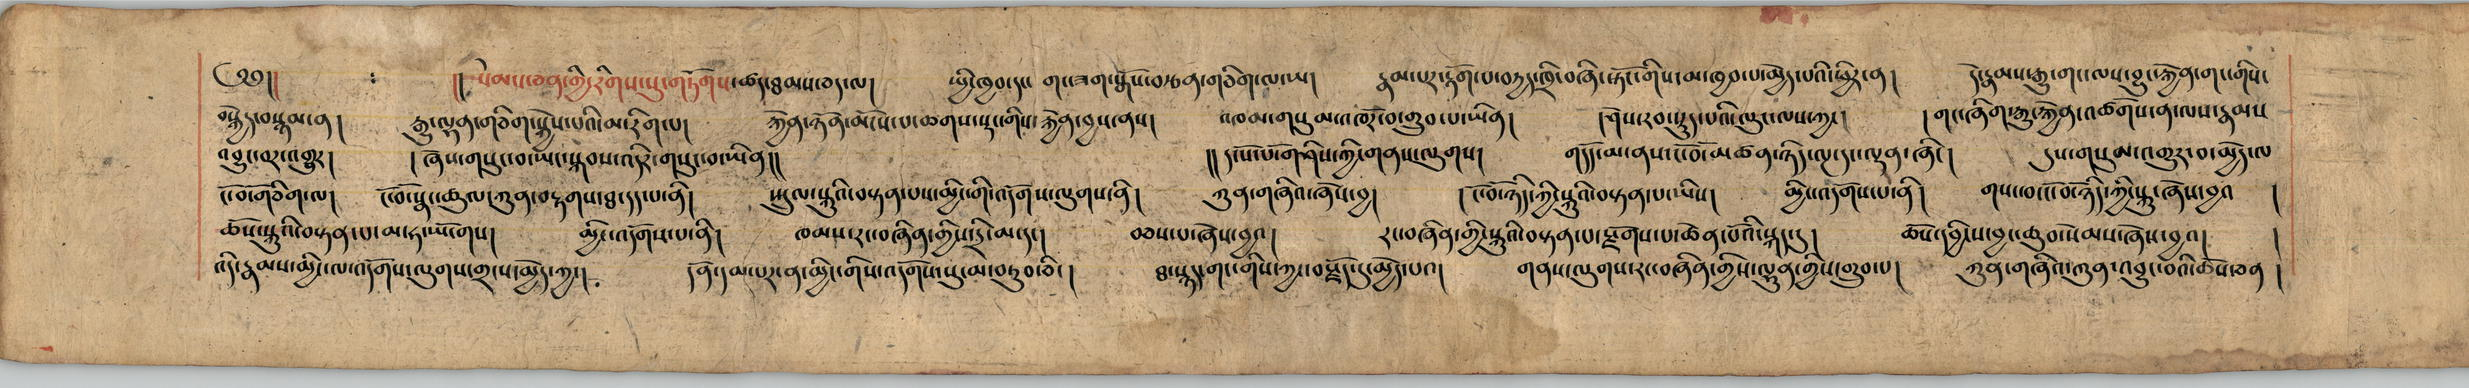༄༅།། །། སེམས་ཅན་གྱི་རིགས་སུ་གཏོགས་ཚད་ཐམས་ཅད་ལ། སྤྱི་ཁྱབ་དང་ གང་ཟག་སྒོས་བརྩན་གཅིག་ལ་ཡ། རྣམ་པར་རྟོག་པ་བརྱད་ཁྲི་བཞི་སྟོང་གིས་མ་ཁྱབ་པ་མྱེད་པའི་ཕྱིར་ན། དེ་རྣམས་རྒྱུ་གང་ལས་བྱུང་རྐྱེན་གང་གིས་
བསྐྱེད་བསྙམ་ན། རྒྱུ་ལྷན་གཅིག་སྐྱེས་པའི་མ་རིག་པ། རྐྱེན་ཉོན་མོངས་པ་ཆགས་སྡང་གིས་རྐྱེན་བྱས་ནས། འཁམ་གསུམ་འཁོར་བ་གྲུབ་པ་ཡིན། །ཤེས་རབ་སྡུད་པའི་ལུང་ལས་ཀྱང། །གང་ཞིག་རྒྱུ་རྐྱེན་འཚོགས་ན་ལས་རྣམས
འབྱུང་བར་འགྱུར། །ཞེས་གསུང་བ་ཡང་སྐབས་འདིར་གསུང་བ་ཡིན།། །།དངོས་པོ་གཤིས་ཀྱི་གནས་ལུགས། གདོད་མ་ནས་ངོ་བོ་མཚན་ཉིད་ལྔ་དང་ལྡན་ཞིང། དུས་གསུམ་འགྱུར་བ་མྱེད་ལ
ངོ་བོ་གཅིག་ལ། ངོ་བོ་སྣང་ཚུལ་ཀུན་བརྟགས་ཐ དད་པ་ནི། སྤྲུལ་སྐུའི་བསྟན་པས་མྱིང་གོ་འདོགས་ལུགས་ནི། ཀུན་གཞིའ་ཞེས་བྱ། །ངོ་བོ་ཉིད་ཀྱི་སྐུའི་བསྟན་པ་ཡིས། མྱིང་འདོགས་པ་ནི། གསང་བ་ངོ་བོ་ཉིད་ཀྱི་སྐུ་ཞེས་བྱའ
ཆོས་སྐུའི་བསྟན་པ་མ་ཧ་ཡོ་གས། མྱིང་འདོགས་པ་ནི། ཁམས་རང་བཞིན་གྱིས་དྲི་མ་དང། བཅས་པ་ཞེས་བྱའ། རང་བཞིན་གྱི་སྐུའི་བསྟན་པ་སྫོགས་པ་ཆེན་པོའི་སྐད་དུ། ཆོས་དབྱིངས་བྱང་ཆུབ་སེམས་ཞེས་བྱའ།
འདི་རྣམས་མྱིང་ལ་འདོགས་ལུགས་གྲངས་མྱེད་ཀྱང། དོན་དམ་པར་ན་མྱིང་གིས་འདོགས་སུ་མ་བཏུབ་ཅིང། ཐ་སྙད་གང་གིས་ཀྱང་བརྗོད་དུ་མྱེད་པའ། གནས་ལུགས་རང་བཞིན་གྱིས་ལྷུན་གྱིས་གྲུབ་པ། ཀུན་གཞིའ་ཀུན་འབྱུང་བའི་ཆོས་ཅན།